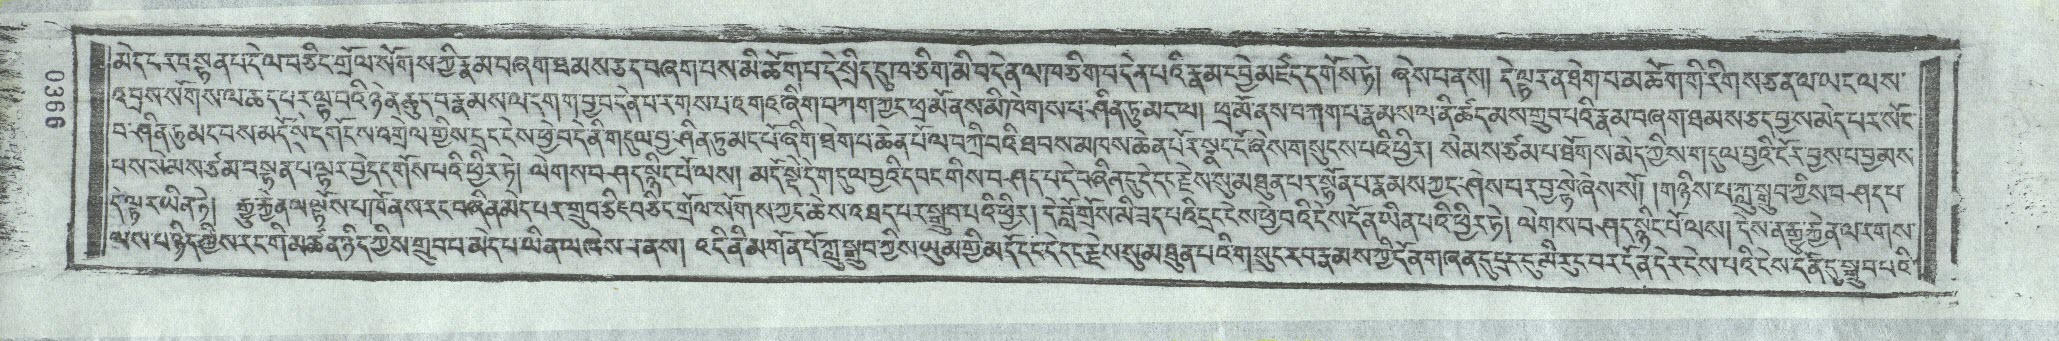མེད་པར་བསྟན་པ་དེ་ལ་བཅིང་གྲོལ་སོགས་ཀྱི་རྣམ་བཞག་ཐམས་ཅད་བཞག་པས་མི་ཆོག་པ་དེ་སྲིད་དུ་ཁ་ཅིག་མི་བདེན་ལ་ཁ་ཅིག་བདེན་པའི་རྣམ་དབྱེ་མཛད་དགོས་ཏེ། ཞེས་པ་ནས། དེ་ལྟར་ན་ཐེག་པ་མཆོག་གི་རིགས་ཅན་ལ་ཡང་ལས་
འབྲས་སོགས་ལ་ཆད་པར་ལྟ་བའི་ཉེན་ཆུང་བ་རྣམས་ལ་དགག་བྱ་བདེན་པ་རགས་པ་འགའ་ཞིག་བཀག་ཀྱང་ཕྲ་མོ་ནས་མི་ཁེགས་པ་ཤིན་ཏུ་མང་ལ། ཕྲ་མོ་ནས་བཀག་པ་རྣམས་ལ་ནི་ཚད་མས་གྲུབ་པའི་རྣམ་བཞག་ཐམས་ཅད་བྱས་མེད་པར་སོང་
བ་ཤིན་ཏུ་མང་བས་མདོ་སྡེ་དགོངས་འགྲེལ་གྱིས་དྲང་ངེས་ཕྱེ་བ་དེ་ནི་གདུལ་བྱ་ཤིན་ཏུ་མང་པོ་ཞིག་ཐེག་པ་ཆེན་པོ་ལ་བཀྲི་པའི་ཐབས་མཁས་ཆེན་པོར་སྣང་ངོ་ཞེས་གསུངས་པའི་ཕྱིར། སེམས་ཙམ་པ་ཐོགས་མེད་ཀྱིས་གདུལ་བྱའི་ངོར་བྱས་པ་བྱམས་
པ་སེམས་ཙམ་བསྟན་པ་ལྟར་བྱེད་དགོས་པའི་ཕྱིར་ཏེ། ལེགས་བཤད་སྙིང་པོ་ལས། མདོ་སྡེ་དེ་གདུལ་བྱའི་དབང་གིས་བཤད་པ་དེ་བཞིན་དུ་དེ་དང་རྗེས་སུ་མཐུན་པར་སྟོན་པ་རྣམས་ཀྱང་ཤེས་པར་བྱ་སྟེ་ཞེས་སོ། །གཉིས་པ་ཀླུ་སྒྲུབ་ཀྱིས་བཤད་པ་
དེ་ལྟར་ཡིན་ཏེ། རྒྱུ་རྐྱེན་ལ་ལྟོས་ཁོ་ནས་རང་བཞིན་མེད་པར་གྲུབ་ཅིང་བཅིང་གྲོལ་སོགས་ཀྱང་ཆེས་འཐད་པར་སྒྲུབ་པའི་ཕྱིར། དེ་བློ་གྲོས་མི་ཟད་པའི་དྲང་ངེས་ཕྱེ་བའི་ངེས་དོན་ཡིན་པའི་ཕྱིར་ཏེ། ལེགས་བཤད་སྙིང་པོ་ལས། དེས་ན་རྒྱུ་རྐྱེན་ལ་རགས་
ལས་པ་ཉིད་ཀྱིས་རང་གི་མཚན་ཉིད་ཀྱིས་གྲུབ་པ་མེད་པ་ཡིན་ལ་ཞེས་པ་ནས། འདི་ནི་མགོན་པོ་ཀླུ་སྒྲུབ་ཀྱིས་ཡུམ་གྱི་མདོ་དང་དེ་དང་རྗེས་སུ་མཐུན་པའི་གསུང་རབ་རྣམས་ཀྱི་དོན་གཞན་དུ་དྲང་དུ་མི་རུང་བར་དོན་དེར་ངེས་པའི་ངེས་དོན་དུ་སྒྲུབ་པའི་